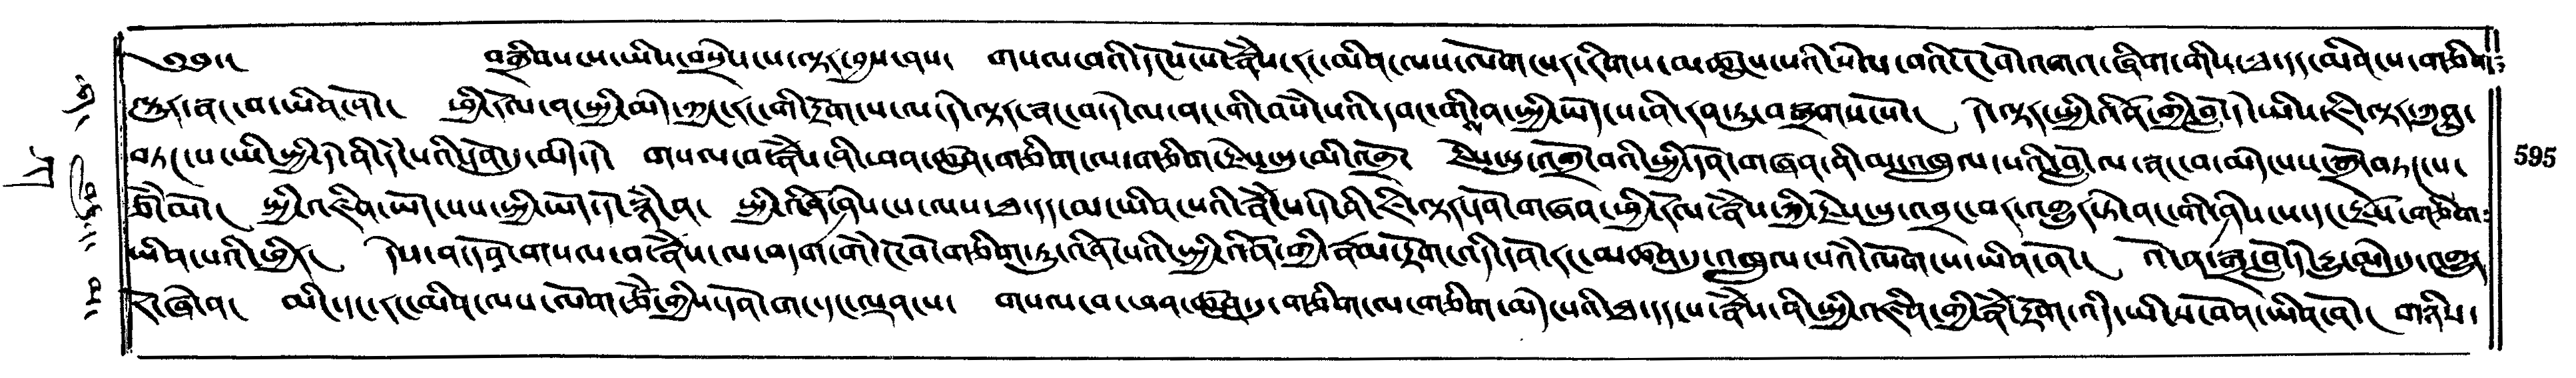བསྒྲིབས་པ་ཡིས་བསྲེས་པ་ལྟར་བྱས་ནས། གསལ་བའི་དངོས་པོ་རྣམས་རང་མིན་ལས་ལོག་པར་རིགས་མཚུངས་པའི་སེལ་བའི་ངོ་བོ་འགའ་ཞིག་གིས་ཐ་དད་མིན་པ་གཅིག་
ལྟ་བུར་སྣང་བ་ཡིན་ནོ།། ཕྱི་རོལ་ན་སྤྱི་མེད་ཀྱང་རང་གི་རྟོག་པ་ལ་དེ་ལྟར་སྣང་བ་དེ་ལ་ནང་གི་བསམ་པའི་དབང་གིས་ན་སྤྱི་ཡོད་པ་ནི་རབ་ཏུ་བསྒྲགས་སོ།། དེ་ལྟར་སྤྱི་འཛིན་གྱི་བློ་དེ་ཡིས་ཇི་ལྟར་ཀུན་ཏུ་
བཏགས་པའི་སྤྱི་དེ་ནི་དམ་པའི་དོན་དུ་མེད་དེ། གསལ་བ་རྣམས་ནི་ཕན་ཚུན་གཅིག་ལ་གཅིག་རྗེས་སུ་མི་འགྲོ།རྗེས་སུ་འགྲོ་བའི་སྤྱི་དོན་གཞན་ནི་མ་འཁྲུལ་པའི་བློ་ལ་སྣང་བ་མེད་པས་སྒྲོ་བཏགས་པ་
ཙམ་མོ།། སྤྱི་འཛིན་ཡོད་པས་སྤྱི་ཡོད་དོ་སྙམ་ན། སྤྱི་འཛིན་ཤེས་པ་ལས་ཐ་དད་མ་ཡིན་པའི་རྣམ་པ་དེ་ནི་ཇི་ལྟར་དོན་གཞན་ཕྱི་རོལ་རྣམས་ཀྱི་རྗེས་སུ་འབྲང་བར་འགྱུར་ཏེ་ནང་གི་ཤེས་པ་དང་རྫས་གཅིག་
ཡིན་པའི་ཕྱིར། དེས་ན་དོན་གསལ་བ་རྣམས་ལ་བདག་གམ་ངོ་བོ་གཅིག་ཏུ་འཛིན་པའི་སྤྱི་འཛིན་གྱི་རྣམ་རྟོག་འདི་དོན་རང་མཚན་དུ་འཁྲུལ་པའི་ལོག་པ་ཡིན་ནོ།། འོ་ན་སྒྲ་བློ་དེ་རྒྱུ་མེད་དུ་འགྱུར་
རོ་ཞེ་ན། མིང་དང་རང་མིན་ལས་ལོག་ཙམ་གྱིས་དོན་གང་དང་ལྡན་པ། གསལ་བ་ཕན་ཚུན་དུ་གཅིག་ལ་གཅིག་མེད་པའི་ཐ་དད་པ་རྣམས་ནི་སྤྱི་འཛིན་གྱི་རྣམ་རྟོག་འདིའི་ས་བོན་ཡིན་ནོ།། གཉིས་